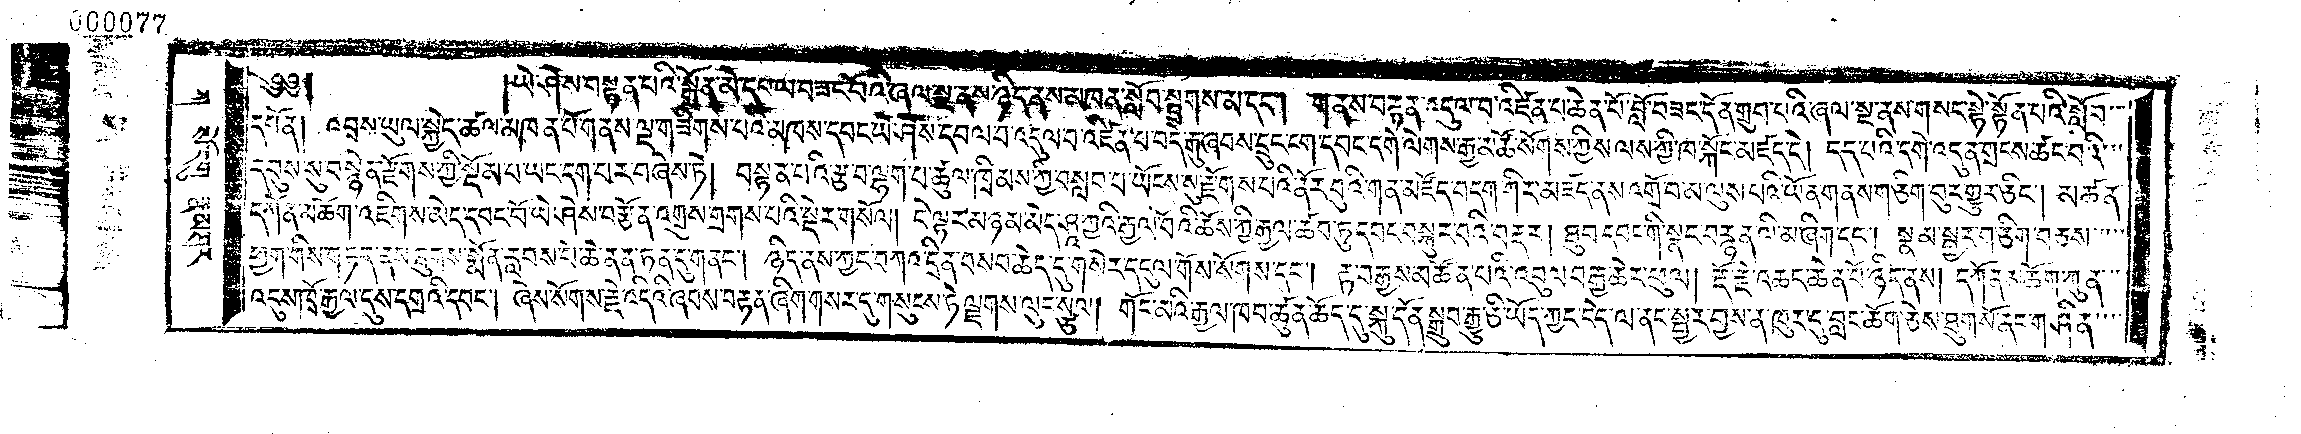༄༅། །ཡེ་ཤེས་བསྟན་པའི་སྒྲོན་མེ་དཔལ་བཟང་པོའི་ཞལ་སྔ་ནས་ཉིད་ནས་མཁན་སློབ་སྦྲགས་མ་དང་། གནས་བརྟན་འདུལ་བ་འཛིན་པ་ཆེན་པོ་བློ་བཟང་དོན་གྲུབ་པའི་ཞལ་སྔ་ནས་གསང་སྟེ་སྟོན་པའི་སློབ་
དཔོན། འབྲས་ཡུལ་སྐྱེད་ཚུལ་མཁན་པོ་གནས་ལྔ་གཟིགས་པའི་མཁས་དབང་ཡེ་ཤེས་དཔལ་བ་འདུལ་བ་འཛིན་པ་བདེ་རྒུ་ཞབས་དྲུང་ངག་དབང་དགེ་ལེགས་རྒྱ་མཚོ་སོགས་ཀྱིས་ལས་ཀྱི་ཁ་སྐོང་མཛད་དེ། དད་པའི་དགེ་འདུན་གྲངས་ཚང་བའི་
དབུས་སུ་བསྙེན་རྫོགས་ཀྱི་སྡོམ་པ་ཡང་དག་པར་བཞེས་ཏེ། བསྟན་པའི་རྩ་བ་ལྷག་པ་ཚུལ་ཁྲིམས་ཀྱི་བསླབ་པ་ཡོངས་སུ་རྫོགས་པའི་ནོར་བུའི་གན་མཛོད་བདག་གིར་མཛད་ནས་འགྲོ་བ་མ་ལུས་པའི་ཡོན་གནས་གཅིག་པུར་གྱུར་ཅིང་། མཚན་
དཀོན་མཆོག་འཇིགས་མེད་དབང་པོ་ཡེ་ཤེས་བརྩོན་འགྲུས་གྲགས་པའི་རྡེར་གསོལ། དེ་ལྟར་མཉམ་མེད་ཤཱཀྱའི་རྒྱལ་པོའི་ཆོས་ཀྱི་རྒྱལ་ཚབ་ཏུ་དབང་བསྐུར་བའི་བརྡར། ཐུབ་དབང་གི་སྣང་བརྙན་ལི་མ་ཞིག་དང་། སྣམ་སྦྱར་གཅིག་བཅས་
ཕྱག་གིས་གཏད་ནས་ཐུགས་སྨོན་རླབས་པོ་ཆེ་ནན་ཏན་དུ་གནང་། ཉིད་ནས་ཀྱང་བཀའ་དྲིན་བསབ་ཆེད་དུ་གསེར་དངུལ་གོས་སོགས་དང་། རྟ་བརྒྱས་མཚོན་པའི་འབུལ་བརྒྱ་ཆེར་ཕུལ། རྡོ་རྗེ་འཆང་ཆེན་པོ་ཉིད་ནས། དཀོན་མཆོག་ཀུན་
འདུས་ཁྲོ་རྒྱལ་དུས་དགྲའི་དབང་། ཞེས་སོགས་རྗེ་འདིའི་ཞབས་བརྟན་ཞིག་གསར་དུ་གསུངས་ཏེ་ལྗགས་ལུང་སྩལ། གོང་མའི་རྒྱལ་ཁབ་ཚུན་ཆོད་དུ་སྐུ་དོན་སྒྲུབ་རྒྱུ་ཅི་ཡོད་ཀྱང་ངེད་ལ་ནང་སྦྱར་བྱས་ན་ཁུར་དུ་བླང་ཆོག་ཅེས་ཐུགས་ནང་གཤིན་